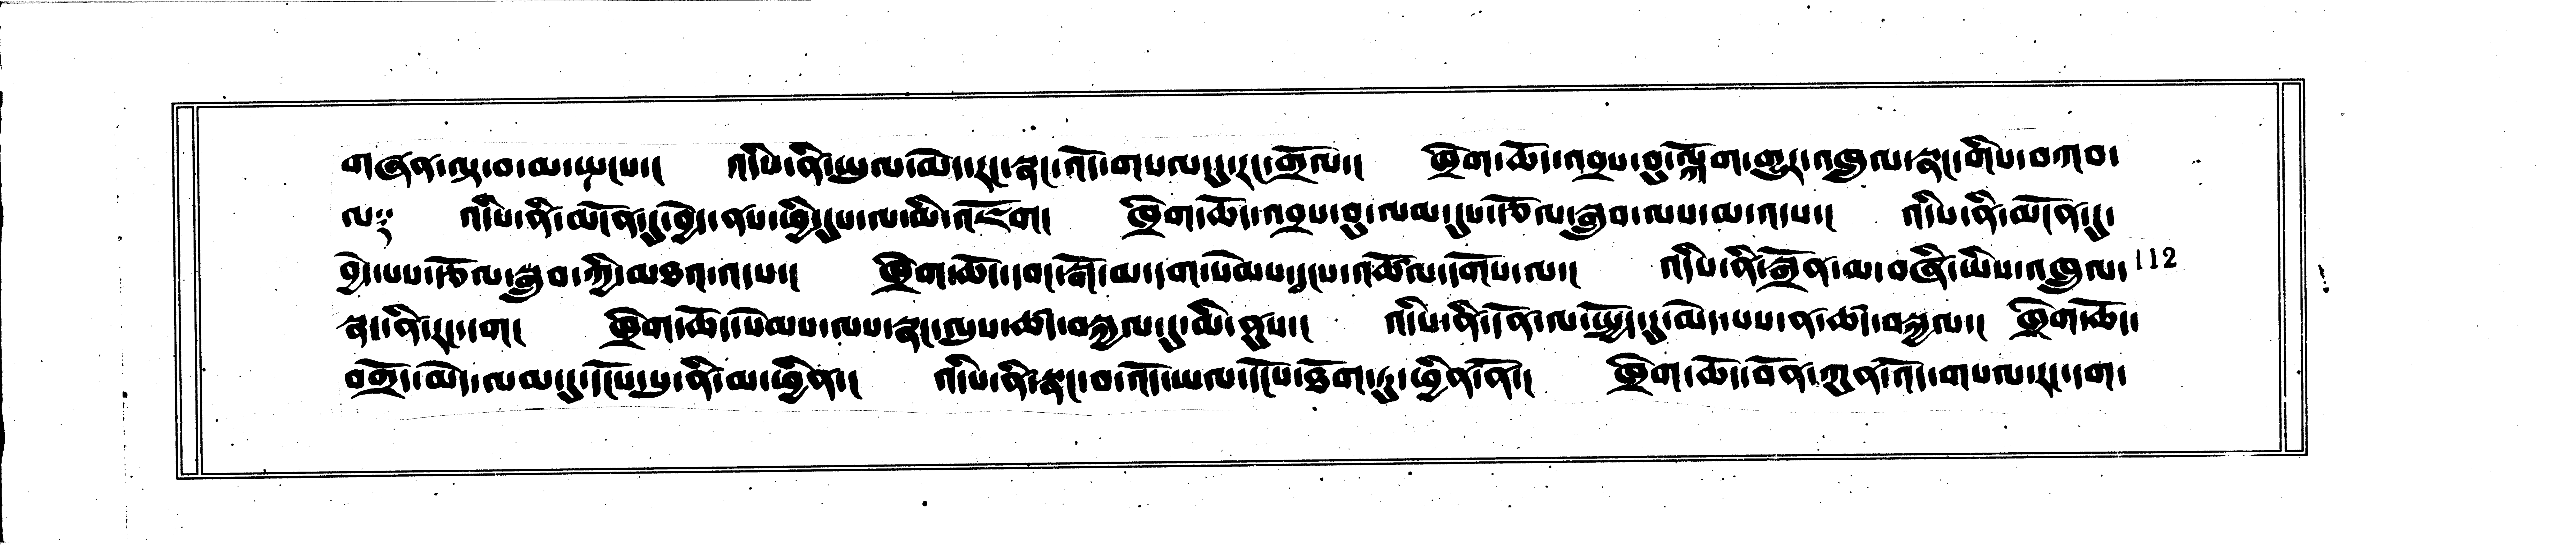གཞན་ལྟ་བ་མ་སྤངས། །འདིས་ནི་ཡུལ་མེད་རང་སྣང་འོད་གསལ་དུ་རང་གྲོལ། །ཁྲེག་ཆོད་འབྲས་བུ་ལྐོག་གྱུར་འཁྲུལ་སྣང་གིས་བཀབ་
ལ། །འདིས་ནི་མངོན་དུ་བྱེད་ནས་ཕྱི་དུས་ལ་མི་འཇོག །ཁྲེག་ཆོད་འབྲས་བུ་ལམ་དུས་རྩོལ་སྒྲུབ་ལས་མ་འདས། །འདིས་ནི་མངོན་དུ་
བྱེད་པས་རྩོལ་སྒྲུབ་ཀྱི་མཐའ་འདས། །ཁྲེག་ཆོད་དབང་སྒོ་མ་དག་སེམས་དྭངས་འཚོལ་དགོས་ལ། །འདིས་ནི་སྒྲོན་མ་བཞི་ཡིས་འཁྲུལ་
སྣང་ནི་རང་དག །ཁྲེག་ཆོད་སེམས་ལས་སྣང་ལུས་ཚད་བསྐྱལ་དུ་མི་ནུས། །འདིས་ནི་དོན་ལ་སྤྱོད་དུ་མེད་པས་ན་ཚད་བསྐྱལ། །ཁྲེག་ཆོད་
བགྲོད་མེད་ལམ་དུ་ནི་དངོས་སུ་མ་ཕྱིན། །འདིས་ནི་སྣང་བ་འོད་ཡལ་དངོས་ཐོག་ཏུ་ཕྱིན་ནོ། །ཁྲེག་ཆོད་བོན་ཀུན་འོད་གསལ་རང་དག་